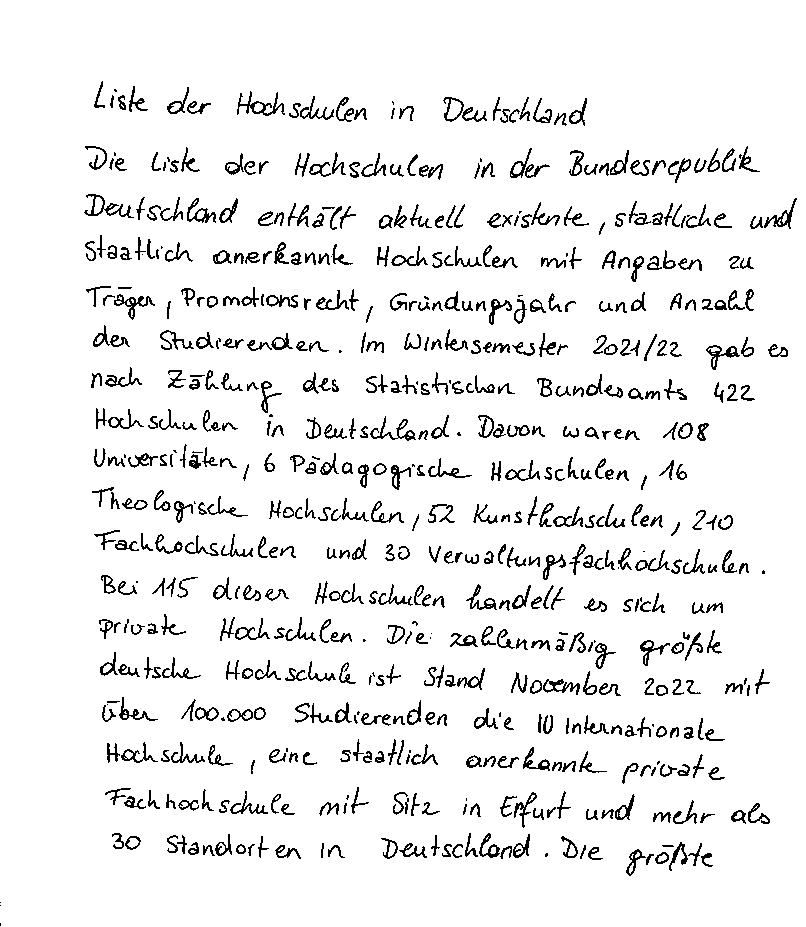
Liste der Hochschulen in Deutschland
Die Liste der Hochschulen In der Bundesrepublik
Deutschland enthält aktuell existente, staatliche und
staatlich anerkannte Hochschulen mit Angaben zu
Träger, Promotionsrecht, Gründungsjahr und Anzahl
der Studierenden. Im Wintersemester 2021/22 gab es
nach Zählung des Statistischen Bundesamts 422
Hochschulen in Deutschland. Davon Waren 108
Universitäten, 6 Pädagogische Hochschulen, 16
Theologische Hochschulen, 52 Kunsthochschulen, 210
Fachhochschulen und 30 Verwaltungsfachhochschulen.
Bei 115 dieser Hochschulen handelt es sich um
private Hochschulen. Die zahlenmäßig größte
deutsche Hochschule ist Stand November 2022 mit
über 100.000 Studierenden die IU Internationale
Hochschule, eine staatlich anerkannte private
Fachhochschule mit Sitz in Erfurt und mehr als
30 Standorten in Deutschland. Die größte
